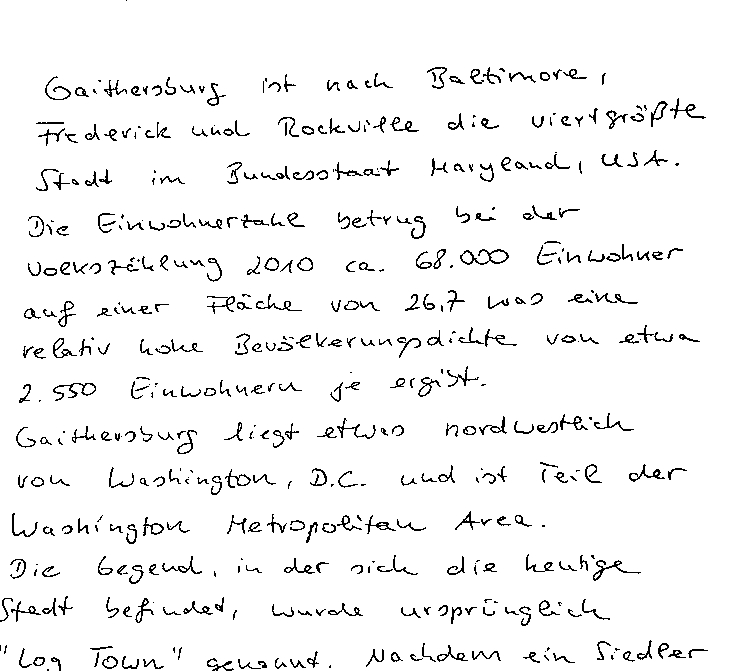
Gaithersburg ist nach Baltimore,
Frederick und Rockville die viertgrößte
Stadt im Bundesstaat Maryland, USA.
Die Einwohnerzahl betrug bei der
Volkszählung 2010 ca. 68.000 Einwohner
auf einer Fläche von 26,7 was eine
relativ hohe Bevölkerungsdichte von etwa
2.550 Einwohnern je ergibt.
Gaithersburg liegt etwas nordwestlich
von Washington, D.C. und ist Teil der
Washington Metropolitan Area.
Die Gegend, in der sich die heutige
Stadt befindet, wurde ursprünglich
"Log Town" genannt. Nachdem ein Siedler
